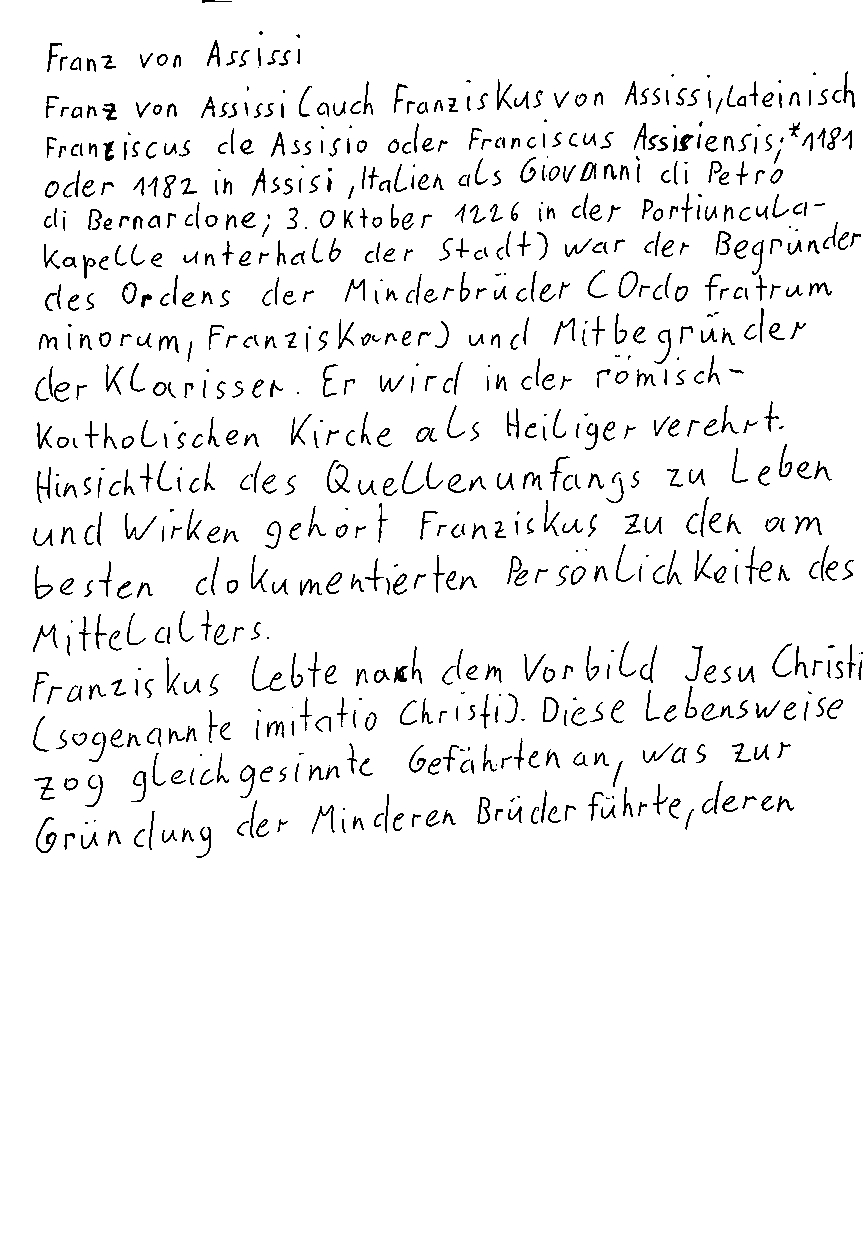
Franz von Assisi
Franz von Assisi (auch Franziskus von Assisi, lateinisch
Franciscus de Assisio oder Franciscus Assisiensis; * 1181
oder 1182 in Assisi, Italien als Giovanni di Pietro
di Bernardone; 3. Oktober 1226 in der Portiuncula-
Kapelle unterhalb der Stadt) war der Begründer
des Ordens der Minderbrüder (Ordo fratrum
minorum, Franziskaner) und Mitbegründer
der Klarissen. Er wird in der römisch-
katholischen Kirche als Heiliger verehrt.
Hinsichtlich des Quellenumfangs zu Leben
und Wirken gehört Franziskus zu den am
besten dokumentierten Persönlichkeiten des
Mittelalters.
Franziskus lebte nach dem Vorbild Jesu Christi
(sogenannte imitatio Christi). Diese Lebensweise
zog gleichgesinnte Gefährten an, was zur
Gründung der Minderen Brüder führte, deren
